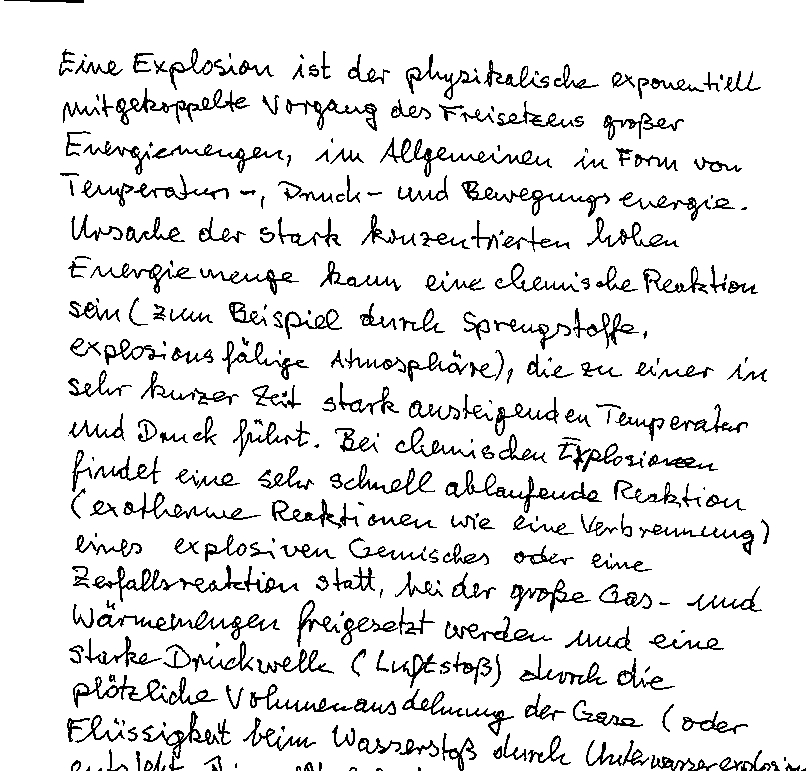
Eine Explosion ist der physikalische exponentiell
mitgekoppelte Vorgang des Freisetzens großer
Energiemengen, im Allgemeinen in Form von
Temperatur-, Druck- und Bewegungsenergie.
Ursache der stark konzentrierten hohen
Energiemenge kann eine chemische Reaktion
sein (zum Beispiel durch Sprengstoffe,
explosionsfähige Atmosphäre), die zu einer in
sehr kurzer Zeit stark ansteigenden Temperatur
Und Druck führt. Bei chemischen Explosionen
findet eine sehr schnell ablaufende Reaktion
(exotherme Reaktionen wie eine Verbrennung)
eines explosiven Gemisches oder eine
Zerfallsreaktion statt, bei der große Gas- und
Wärmemengen freigesetzt werden und eine
starke Druckwelle (Luftstoß) durch die
plötzliche Volumenausdehnung der Gase (oder
Flüssigkeit beim Wasserstoß durch
